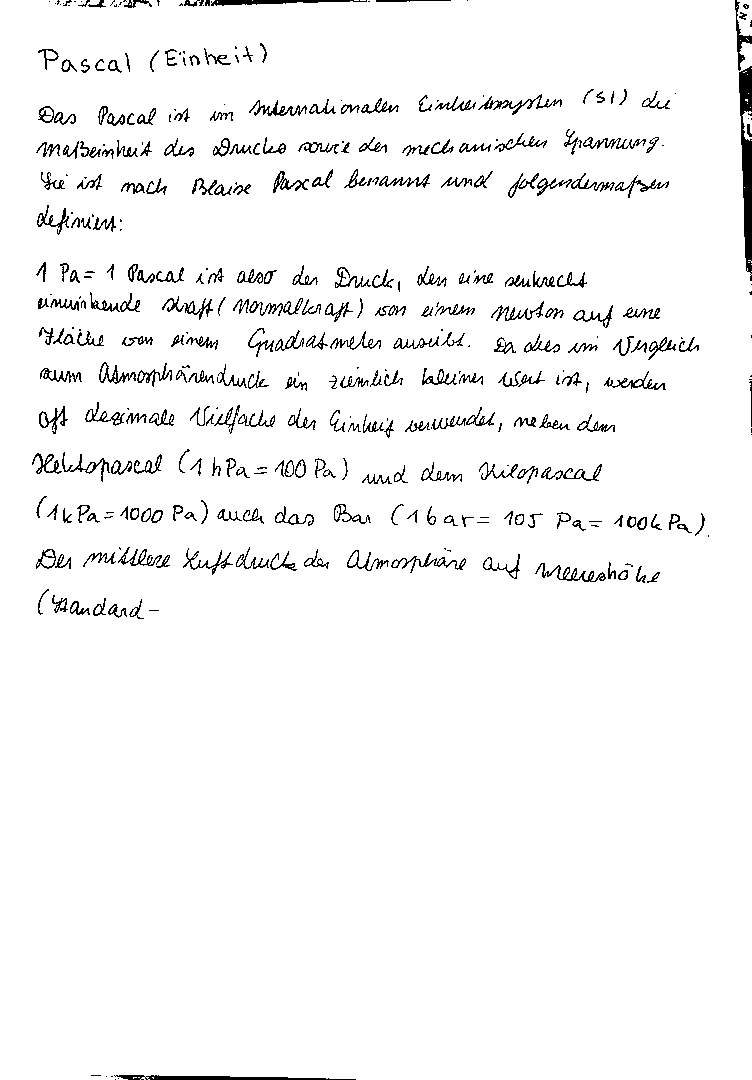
Pascal (Einheit)
Das Pascal ist im Internationalen Einheitensystem (SI) die
Maßeinheit des Drucks sowie der mechanischen Spannung.
Sie ist nach Blaise Pascal benannt und folgendermaßen
definiert:
1 Pa = 1 Pascal ist also der Druck, den eine senkrecht
einwirkende Kraft (Normalkraft) von einem Newton auf eine
Fläche von einem Quadratmeter ausübt. Da dies im Vergleich
zum Atmosphärendruck ein ziemlich kleiner Wert ist, werden
Oft dezimale Vielfach der Einheit verwendet, neben dem
Hektopascal (1 hPa = 100 Pa) Der dem Kilopascal
(1 kPa = 1000 Pa) auch das Bar (1 bar = 105 Pa = 100 kPa).
Der mittlere Luftdruck der Atmosphäre auf Meereshöhe
(Standard-
